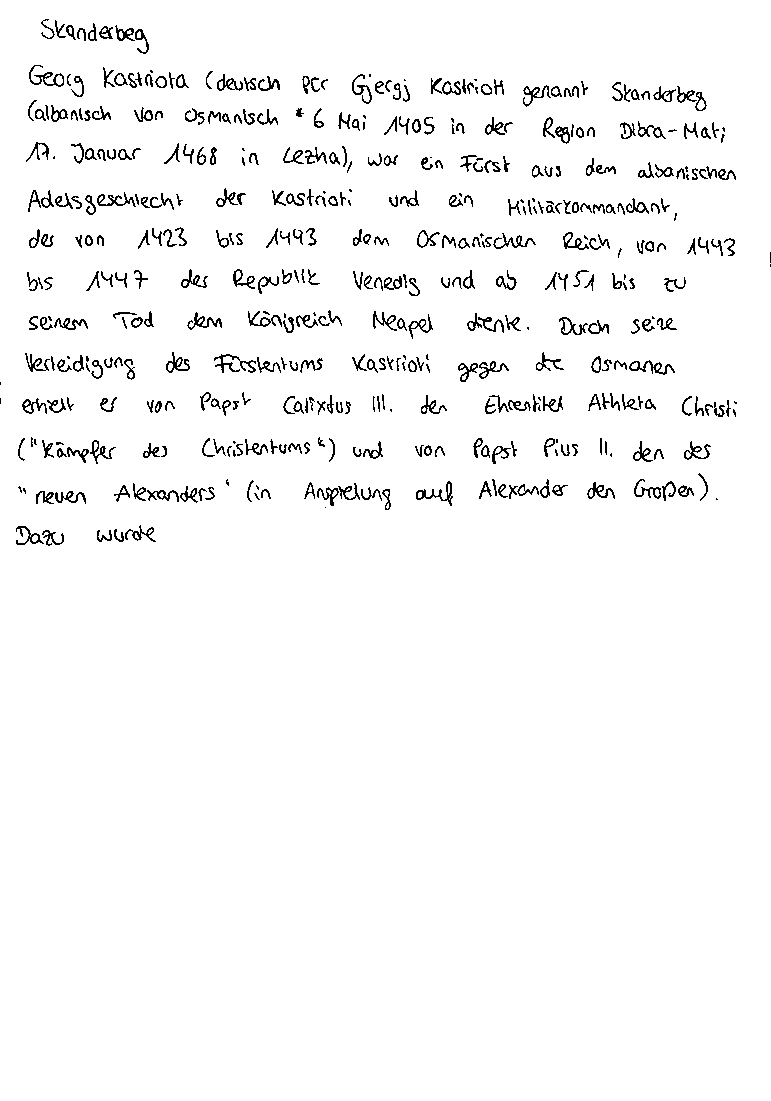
Skanderbeg
Georg Kastriota (deutsch für Gjergj Kastrioti genannt Skanderbeg
(albanisch von osmanisch * 6. Mai 1405 in der Region Dibra-Mat;
17. Januar 1468 in Lezha), war ein Fürst aus dem albanischen
Adelsgeschlecht der Kastrioti und ein Militärkommandant,
der von 1423 bis 1443 dem Osmanischen Reich, von 1443
bis 1447 der Republik Venedig und ab 1451 bis zu
seinem Tod dem Königreich Neapel diente. Durch seine
Verteidigung des Fürstentums Kastrioti gegen die Osmanen
erhielt er von Papst Calixtus III. den Ehrentitel Athleta Christi
("Kämpfer des Christentums") und von Papst Pius II. den des
"neuen Alexanders" (in Anspielung auf Alexander den Großen).
Dazu wurde
